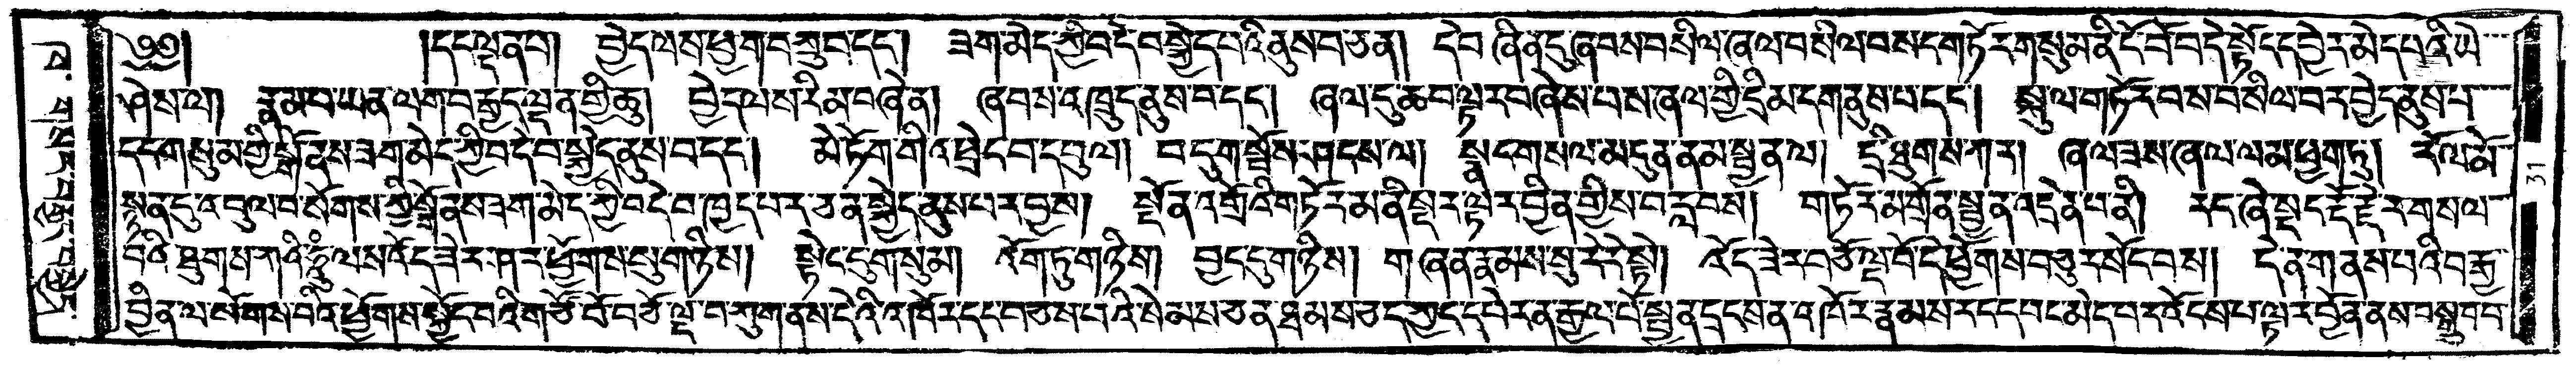༄༅། །དང་ལྡན་པ། བྱེད་ལས་ཕྱག་བཀྲུབ་དང་། ཟག་མེད་ཀྱི་བདེ་བ་སྐྱེད་པའི་ནུས་བ་ཅན། དེ་བཞིན་དུ་ཞབས་བསིལ་ཞལ་བསིལ་བསང་གཏོར་གསུམ་ནི་ངོ་བོ་བདེ་སྟོང་དབྱེར་མེད་པའི་ཡེ་
ཤེས་ལ། རྣམ་པ་ཡན་ལག་བརྒྱད་ལྡན་གྱི་ཆུ། བྱེད་ལས་རིམ་བཞིན། ཞབས་འཁྲུད་ནུས་བ་དང་། ཞལ་དུ་ཆབ་ལྟར་བཞེས་པས་ཞལ་གྱི་དྲི་མ་དག་ནུས་པ་དང་། སྐུ་ལ་གཏོར་བས་བསིལ་བར་བྱེད་ནུས་པ་
དང་གསུམ་གྱི་སྒོ་ནས་ཟག་མེད་ཀྱི་བདེ་བ་སྐྱེད་ནུས་བ་དང་། མེ་ཏོག་གི་འཕྲེང་བ་དབུལ། བདུག་སྤོས་ཤངས་ལ། སྣང་གསལ་མདུན་ནམ་སྤྱན་ལ། དྲི་ཐུགས་ཀར། ཞལ་ཟས་ཞལ་ལམ་ཕྱག་ཏུ། རོལ་མོ་
སྙན་དུ་འབུལ་བ་སོགས་ཀྱི་སྒོ་ནས་ཟག་མེད་ཀྱི་བདེ་བ་ཁྱད་པར་ཅན་སྐྱེད་ནུས་པར་བྱས། སྔོན་འགྲོའི་གཏོར་མ་ནི་སྔར་ལྟར་བྱིན་གྱིས་བརླབས། གཏོར་མགྲོན་སྤྱན་འདྲེན་པ་ནི། རང་ཞེ་སྡང་རྡོ་རྗེར་གསལ་
བའི་ཐུགས་ཀའི་ཧཱུཾ་ལས་འོད་ཟེར་ཤར་ཕྱོགས་སུ་གཉིས། སྟེང་དུ་གསུམ། འོག་ཏུ་གཉིས། བྱང་དུ་གཉིས། གཞན་རྣམས་སུ་རེ་རེ་སྟེ། འོད་ཟེར་བཅོ་ལྔ་བོ་དེ་ཕྱོགས་བཅུར་སོང་བས། དེ་ན་གནས་པའི་བརྒྱ་
བྱིན་ལ་སོགས་བའི་ཕྱོགས་སྐྱོང་བའི་གཙོ་བོ་བཅོ་ལྔ་བཀུག་ནས་དེའི་འཁོར་དང་བཅས་པའི་སེམས་ཅན་ཐམས་ཅད་ཀྱང་དཔེར་ན་རྒྱལ་པོ་སྤྱན་དྲངས་ན་འཁོར་རྣམས་རང་དབང་མེད་པར་འོངས་པ་ལྟར་བྱོན་ནས་བསྒྲུབ་པ་